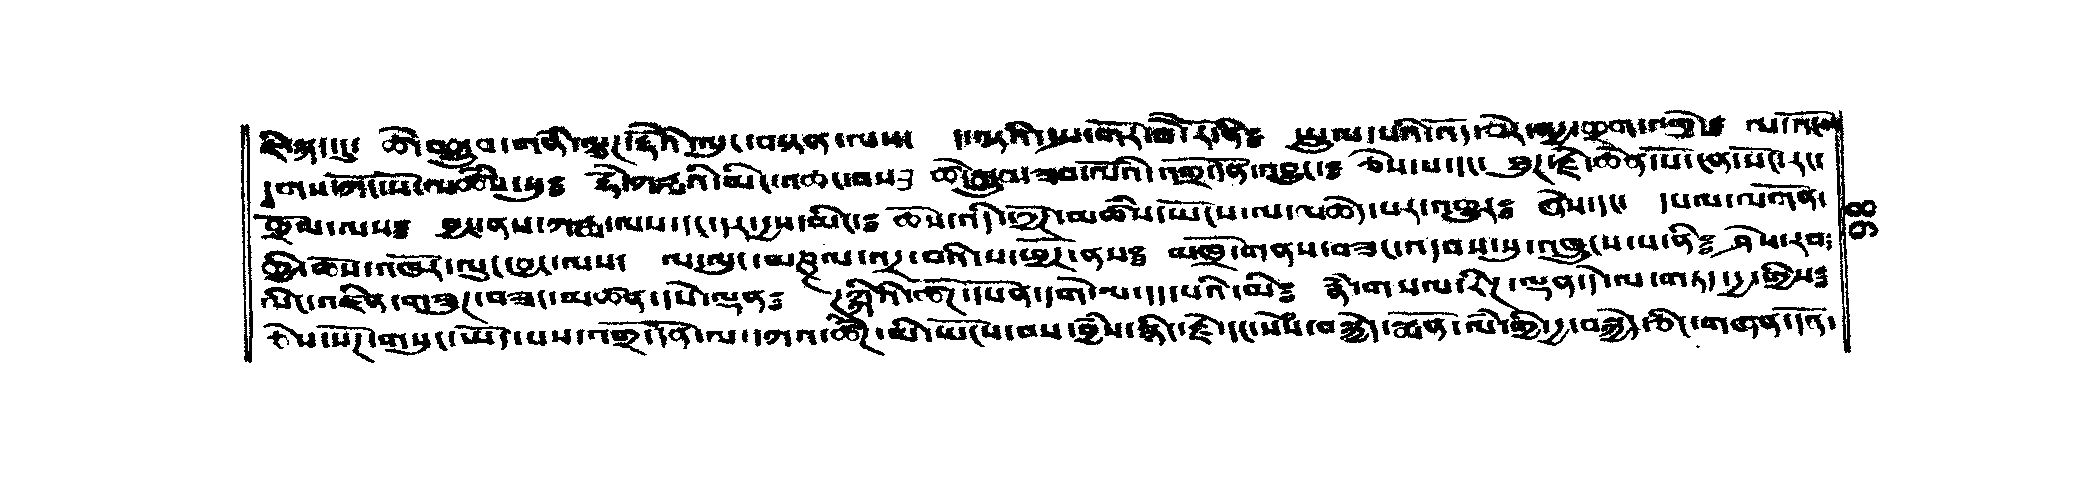ཇི་སྐད་དུ། ཚེ་བསྒྲུབ་གནམ་ལྕགས་རྡོ་རྗེའི་ལུང་བསྟན་ལས། ད་ལྟའི་སྤ་གོར་བཻ་རོ་ནི༔ སྤྲུལ་པའི་འོད་ཟེར་བརྒྱ་ཕྲག་འགྱེད༔ མ་འོང་
དྭགས་ཀོང་སོ་མཚམས་སུ༔ རྡོ་རྗེ་ཀརྨའི་མིང་འཆང་བས༔ ཚེ་སྒྲུབ་ཟབ་མོའི་འགྲོ་དོན་འབྱུང༔ ཞེས་པ་དང་། ཐུགས་རྗེ་ཆེན་པོ་ངན་སོང་རང་
གྲོལ་ལས༔ བྱང་ནས་ཀརྨ་ལས་དང་དར་རྒྱས་མིང༔ ཆོས་འདི་ཕྱོགས་མཚམས་ཡཽངས་ལ་མཆེད་པར་འགྱུར༔ ཞེས་དང་། དཔལ་མགོན་
གྱི་ཆོས་འཁོར་ལུང་བྱང་ལས༔ ལ་ལུང་མཎྜལ་འདྲ་བའི་ས་ཕྱོགས་ནས༔ མཁའ་འགྲོ་གནས་བཟང་འདབས་སུ་འཁྲུངས་པ་ནི༔ ཤེས་རབ་
མིང་འཛིན་གཟུགས་བཟང་མཚན་དཔེ་ལྡན༔ ཌཱཀྐིའི་ཚོགས་དཔོན་དགེ་ལ་དད་པའི་མི༔ རྣམ་གསལ་རིགས་ལྡན་དེ་ལ་གཏད་རྒྱ་གྱིས༔ 
ཅེས་སོགས་གསུངས་ཡོད་པས་འགྲོ་དོན་ལ་དཀའ་ཚེགས་མི་ཡོང་བས་བྱམས་སྙིང་རྗེ་དང་སེམས་བསྐྱེད་སྨོན་ལམ་གྱི་རྒྱ་བསྐྱེད་ཅིང་གཞན་དོན་